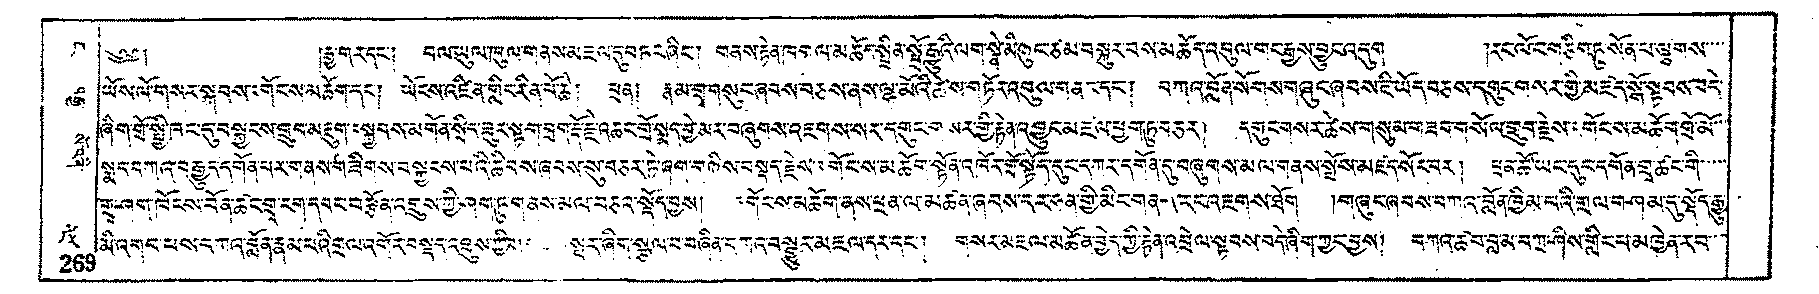༄༅། །རྒྱ་གར་དང་། བལ་ཡུལ་ཁུལ་གནས་མཇལ་དུ་བཏང་ཞིང་། གནས་རྟེན་ཁག་ལ་མཆོད་སྤྲིན་སྤྲོ་རྒྱུའི་ལག་སྣེ་མི་ཉུང་ཙམ་བསྐུར་བས་མཆོད་འབུལ་གང་རྒྱས་བྱུང་འདུག །རང་ལོ་ང་གཅིག་ཏུ་སོན་པ་ལྕགས་
ཡོས་ལོ་གསར་སྐབས་༧གོང་ས་མཆོག་དང་། ཡོངས་འཛིན་གླིང་རིན་པོ་ཆེ། ཕྲན། རྣམ་གྲྭ་གསུང་ཞབས་བཅས་ནས་ལྷ་མོའི་ཚེས་གཏོར་འབུལ་གནང་དང་། བཀའ་བློན་སོགས་གཞུང་ཞབས་ཇི་ཡོད་བཅས་དགུང་གསར་གྱི་མཛད་སྒོ་སྟབས་བདེ་
ཞིག་གྲོ་སྤྱི་ཁང་དུ་བསྐྱངས་གྲུབ་མཇུག་༧སྐྱབས་མགོན་སྲིད་ཟུར་སྟག་བྲག་རྡོ་རྗེ་འཆང་གྲོ་སྨད་བྱེ་མར་བཞུགས་འཇགས་སར་དགུང་གསར་གྱི་རྟེན་འབྱུང་མཇལ་ཕྱག་ཏུ་བཅར། དགུང་གསར་ཚེས་གསུམ་གཟབ་གསོལ་གྲུབ་རྗེས་༧གོང་ས་མཆོག་གྲོ་མོ་
སྨད་བཀའ་བརྒྱུད་དགོན་པར་གནས་གཟིགས་བསྐྱངས་པའི་ཆིབས་ཞབས་སུ་བཅར་ཏེ་ཞག་གཉིས་བསྡད་རྗེས་༧གོང་ས་མཆོག་སྟོན་འཁོར་གྲོ་སྟོད་དུང་དཀར་དགོན་དུ་བཞུགས་མལ་གནས་སྤོས་མཛད་སོང་བར། ཕྲན་ཚོ་ཡང་དུང་དགོན་གྲྭ་ཚང་གི་
གྲྭ་ཤག་ཁོངས་བོན་ཚང་གྲྭ་ངག་དབང་བརྩོན་འགྲུས་ཀྱི་ཤག་ཏུ་གནས་མལ་བཅའ་སྡོད་བྱས། ༧གོང་ས་མཆོག་ནས་ཕྲན་ལ་མཚན་ཞབས་དར་ཧན་གྱི་མིང་གནས་རང་འཇགས་ཐོག །གཞུང་ཞབས་བཀའ་བློན་ཁྱིམ་པའི་གྲལ་གཤམ་དུ་སྡོད་རྒྱུ་
མི་འགབ་པས་བཀའ་བློན་རྣམ་པའི་གྲལ་འགོར་བསྡད་འཐུས་ཀྱིས་གནས་སྤར་ཞིག་སྩལ་བ་བཞིན་བཀའ་བསྒྱུར་མཇལ་དར་དང་། གསར་མཇལ་མཚོན་བྱེད་ཀྱི་རྟེན་འབྲེལ་སྟབས་བདེ་ཞིག་ཀྱང་བྱས། བཀའ་ཚབ་བླ་མ་བཀྲ་ཤིས་གླིང་པ་མཁྱེན་རབ་